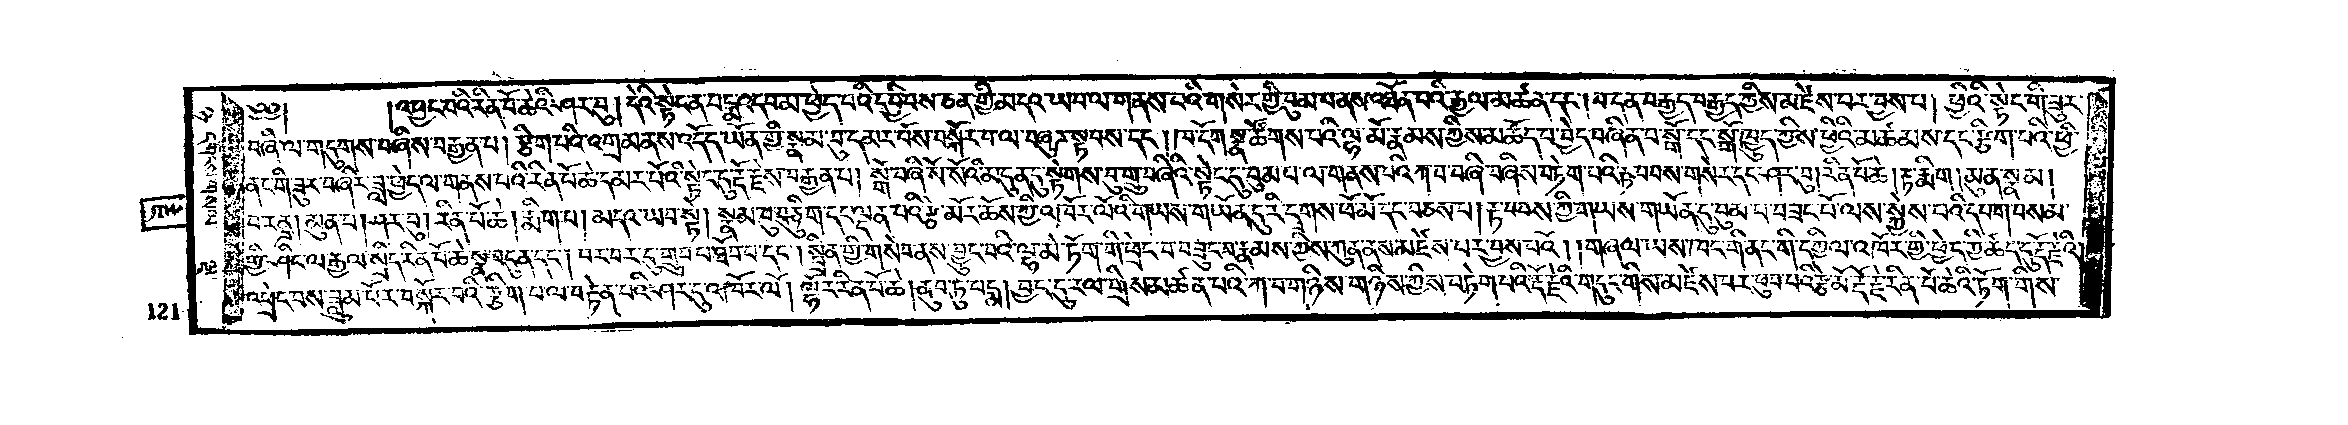༄༅། །འཕྱང་བའི་རིན་པོ་ཆེའི་ཤར་བུ། དེའི་སྟེང་ན་པདམ་འདབ་མ་ཕྱེད་པའི་དབྱིབས་ཅན་གྱི་མདའ་ཡབ་ལ་གནས་པའི་གསེར་གྱི་བུམ་པ་ནས་འཐོན་པའི་རྒྱལ་མཚན་དང་། བ་དན་བརྒྱད་བརྒྱད་ཀྱིས་མཛེས་པར་བྱས་པ། ཕྱིའི་སྟེང་གི་ཟུར་
བཞི་ལ་གདུགས་བཞིས་བརྒྱན་པ། རྩིག་པའི་འགྲམ་ནས་འདོད་ཡོན་གྱི་སྣམ་བུ་དམར་པོས་བསྐོར་བ་ལ་བཞུགས་སྟབས་དང་། ཁ་དོག་སྣ་ཚོགས་པའི་ལྷ་མོ་རྣམས་ཀྱིས་མཆོད་པ་བྱེད་བཞིན་པ་སྒོ་དང་སྒོ་ཁྱུད་ཀྱིས་ཕྱིའི་མཚམས་དང་རྩིག་པའི་ཕྱི་
ནང་གི་ཟུར་བཞིར་ཟླ་ཕྱེད་ལ་གནས་པའི་རིན་པོ་ཆེ་དམར་པོའི་སྟེང་དུ་རྡོ་རྗེས་བརྒྱན་པ། སྒོ་བཞི་སོ་སོའི་མདུན་དུ་སྟེགས་བུ་གྲུ་བཞིའི་སྟེང་དུ་བུམ་པ་ལ་གནས་པའི་ཀ་བ་བཞི་བཞིས་བཏེག་པའི་རྟ་བབས་གསེར་དང་ཤར་བུ། རིན་པོ་ཆེ། རྟ་རྨིག །མུན་སྣམ།
པ་རནྜ། མུན་པ། ཤར་བུ། རིན་པོ་ཆེ། རྨིག་པ། མདའ་ཡབ་སྟེ། སྣམ་བུ་བཅུ་གཅིག་དང་ལྡན་པའི་རྩེ་མོར་ཆོས་ཀྱི་འཁོར་ལོའི་གཡས་གཡོན་དུ་རི་དྭགས་ཕོ་མོ་དང་བཅས་པ། རྟ་བབས་ཀྱི་གཡས་གཡོན་དུ་བུམ་པ་བཟང་པོ་ལས་སྐྱེས་པའི་དཔག་བསམ་
གྱི་ཤིང་ལ་རྒྱལ་སྲིད་རིན་པོ་ཆེ་སྣ་བདུན་དང་། བར་བར་དུ་གྲུབ་པ་ཐོབ་པ་དང་། སྤྲིན་གྱི་གསེབ་ནས་བྱུང་བའི་ལྷ་མེ་ཏོག་གི་ཕྲེང་བ་བཟུང་བ་རྣམས་ཀྱིས་ཀུན་ནས་མཛེས་པར་བྱས་པའོ། །གཞལ་ཡས་ཁང་གི་ནང་གི་དཀྱིལ་འཁོར་གྱི་ཕྱེད་ཀྱི་ཚད་དུ་རྡོ་རྗེའི་
འཕྲེང་བས་ཟླུམ་པོར་བསྐོར་བའི་རྩིག་པ་ལ་བརྟེན་པའི་ཤར་དུ་འཁོར་ལོ། ལྷོར་རིན་པོ་ཆེ། ནུབ་ཏུ་པདམ། བྱང་དུ་རལ་གྲིས་མཚན་པའི་ཀ་བ་གཉིས་གཉིས་ཀྱིས་བཏེག་པའི་རྡོ་རྗེའི་གདུང་གིས་མཛེས་པར་ཕུབ་པའི་རྩེ་མོ་རྡོ་རྗེ་རིན་པོ་ཆེའི་ཏོག་གིས་